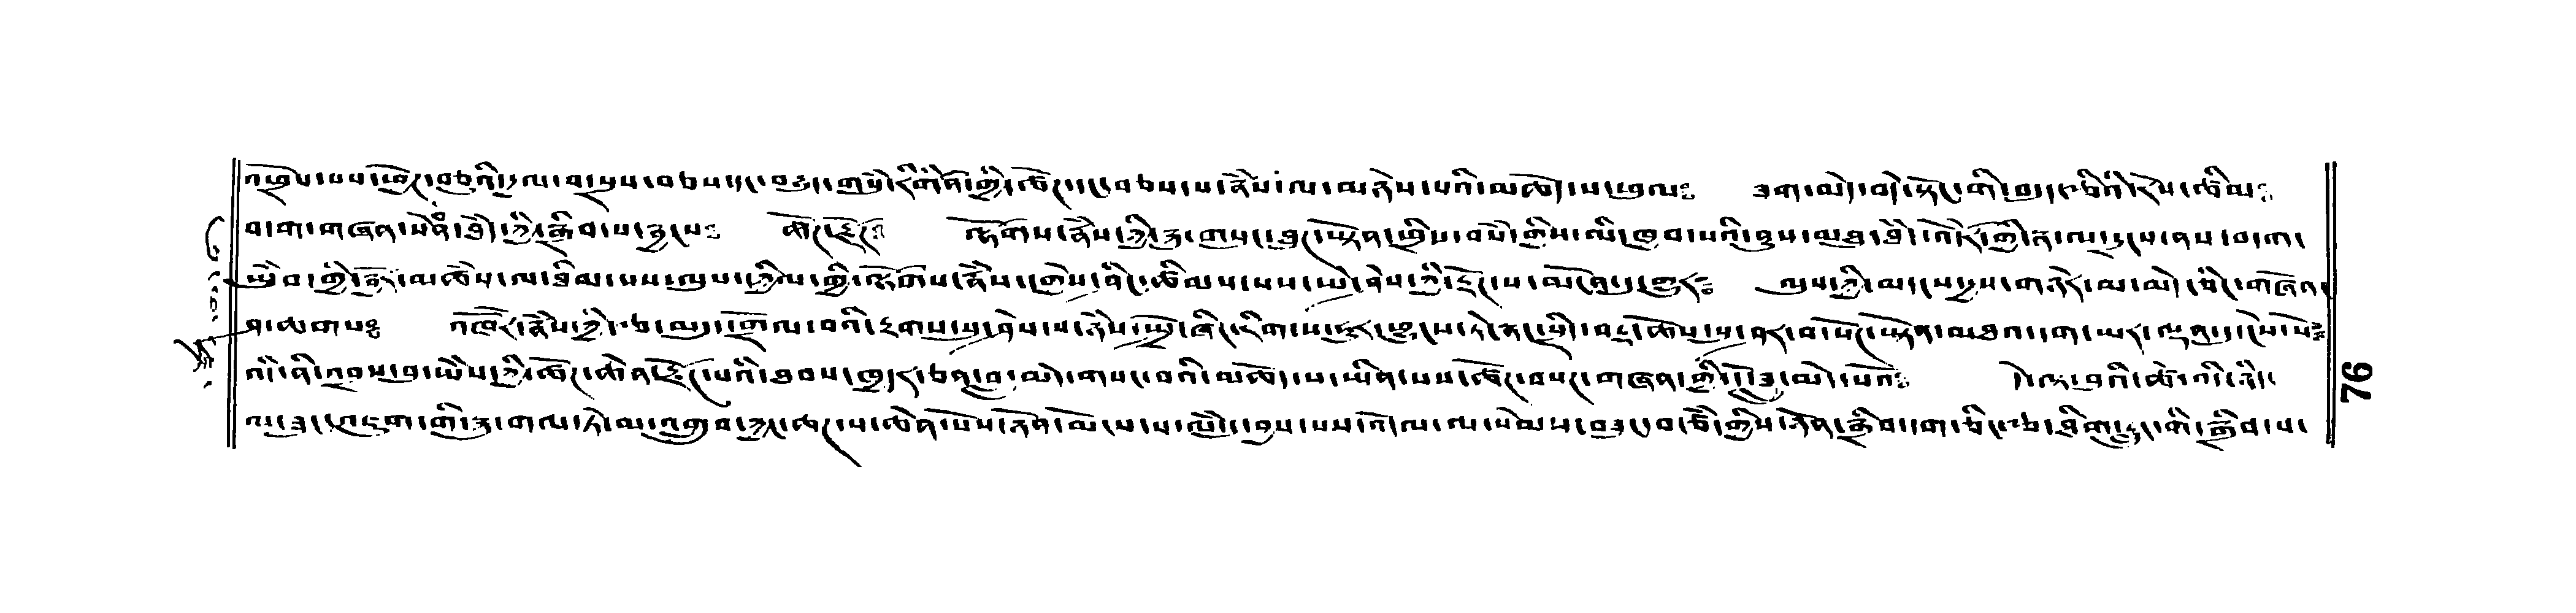འཕྲོས་པས་ཕྱོགས་བཅུའི་རྒྱལ་བ་སྲས་བཅས་དང་བརྒྱུད་གསུམ་རིག་འཛིན་གྱི་ཚོགས་དང་བཅས་པ་རྣམས་ལ་མཉེས་པའི་མཆོད་པ་ཕུལ༔ ཟག་མེད་བདེ་སྟོང་གི་བདུད་རྩིའི་རོས་ཚིམས༔ 
བདག་གཞན་སེམས་ཅན་ཐམས་ཅད་ཀྱི་སྒྲིབ་པ་སྦྱངས༔ ཚོགས་རྫོགས༔ ལྷ་ཚོགས་རྣམས་ཀྱི་སྐུ་གསུང་ཐུགས་ཡོན་ཏན་ཕྲིན་ལས་བསམ་གྱིས་མི་ཁྱབ་པའི་ནུས་མཐུ་ཐམས་ཅད་འོད་ཟེར་གྱི་སྣ་ལ་དྲངས་ནས་བདག་
ཡབ་ཡུམ་གྱི་སྦྱོར་མཚམས་ལ་ཐིམ་པས་ལུས་དཀྱིལ་གྱི་ལྷ་ཚོགས་རྣམས་དགྱེས་ཤིང་ཚིམས་པས་ཡེ་ཤེས་ཀྱི་རྟོགས་པ་མངོན་དུ་གྱུར༔ ལུས་ཀྱི་མདངས་རྒྱས་གཉེར་མ་མེད་ཅིང་གཞོན་
ཤ་ཆགས༔ འཁོར་ལོ་རྣམས་ཀྱི་རྩ་མདུད་གྲོལ་བའི་རྟགས་སུ་ཤེས་པ་ཉམས་སྤྲོ་ཞིང་རིག་པ་ཧུར་ཕྱུངས་ཏེ་སྣང་སྲིད་བརྡ་ཆོས་སུ་ཤར་བ་སོགས་ཡོན་ཏན་མཐའ་དག་ཡར་ལྡན་དུ་ངེས་སོ༔ 
འདི་ནི་འབྲས་བུ་ཡེ་ཤེས་ཀྱི་ཚོགས་ཆེན་རྫོགས་པའི་ཐབས་ཁྱད་པར་ཅན་བླ་མེད་གསང་བའི་མཆོད་པ་ཡིན་པས་ཚོགས་བསགས་གཞན་གྱི་དོ་ཟླ་མེད་པའོ༔ དེ་ལྟ་བུའི་ཚེ་འདི་ཉིད་
ལ་ཟུང་འཇུག་གི་སྐུ་གལ་ཏེ་མ་འགྲུབ་ཀྱང་ཆགས་པ་ཆེན་པོས་ཉོན་མོངས་ས་ལམ་དུ་བྱས་པས་འོད་གསལ་ལ་སེམས་བཟུང་བ་ཙམ་གྱིས་ཉོན་སྒྲིབ་དག་ཅིང་རྩ་ཐིག་རླུང་གི་སྒྲིབ་པ་